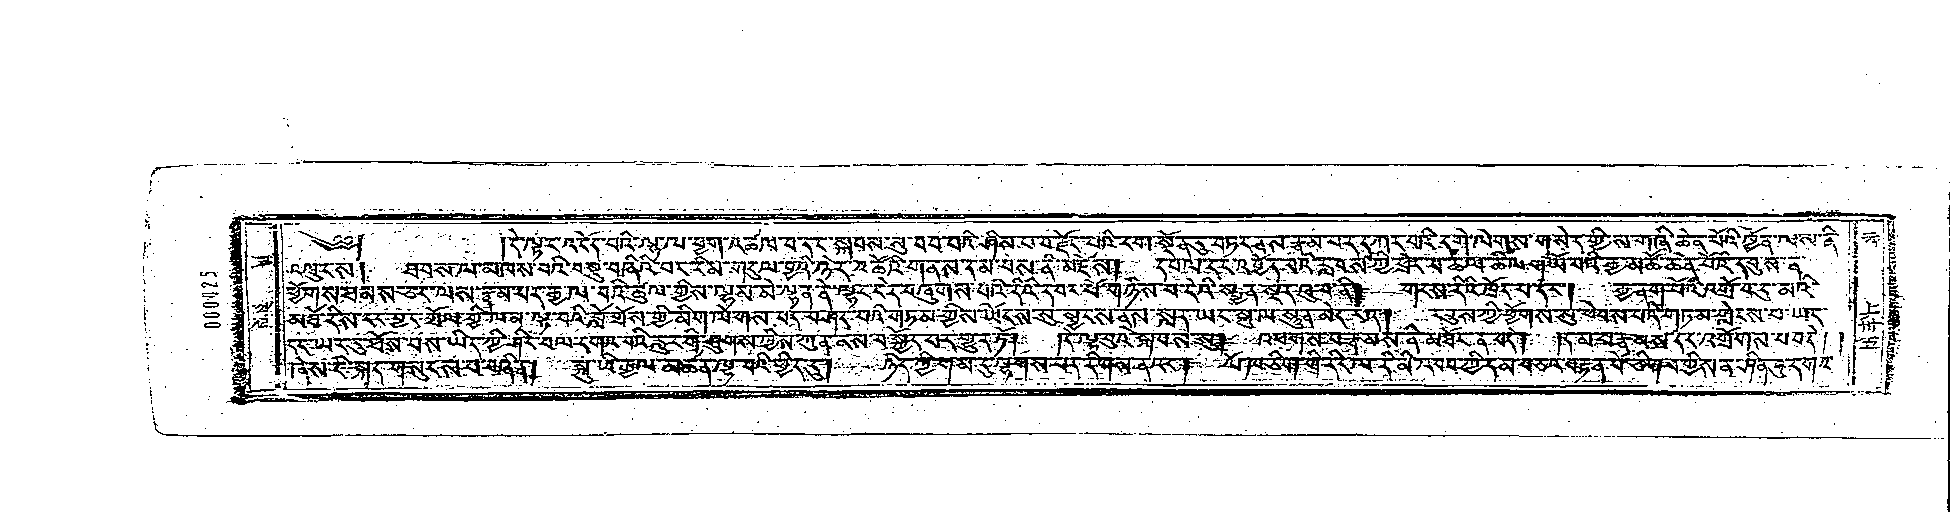༄༅། །དེ་ལྟར་འདོད་པའི་ལྷ་ལ་ཕྱག་འཚལ་བ་དང་སྐབས་སུ་བབ་པའི་ཤིས་པ་བརྗོད་པའི་ངག་སྔོན་དུ་བཏང་ནས་རྣམ་པར་དཀར་བའི་དགེ་ལེགས་གསེར་གྱི་ས་གཞི་ཆེན་པོའི་ཁྱོན་ལས་ནི་
འཁྲུངས། ཐབས་ལ་མཁས་པའི་བསྡུ་བཞིའི་བར་རིམ་གདུལ་བྱའི་ཉེར་འཚོའི་གནས་དམ་བས་ནི་མཛེས། དཔལ་དང་འབྱོར་བའི་རླབས་ཀྱི་ཕྲེང་པ་ཆས་ཆིལ་གཡོ་བའི་རྒྱ་མཚོ་ཆེན་པོའི་དབུས་ན་
ཕྱོགས་ཐམས་ཅད་ལས་རྣམ་པར་རྒྱལ་བའི་ཚུལ་གྱིས་ལྷམ་མེ་ལྷན་ནེ་ལྷང་དེར་བཞུགས་པའི་རིའི་དབང་པོ་གཉིས་པ་དེའི་སྤྱན་སྔར་ཞུ་བ་ནི། གངས་རིའི་ཁྲོད་པ་དང་། རྒྱ་ནག་པོའི་འགྲོ་བ་དུ་མའི་
མཐོ་རིས་དང་བྱང་གྲོལ་གྱི་ལམ་ལྟ་བའི་བློ་གྲོས་ཀྱི་མིག་ལེགས་པར་བཤད་པའི་གཏམ་གྱིས་ཡོངས་སུ་སྦྱངས་ནས་སླར་ཡང་སྐུ་ལ་སྙུན་མེད་པར། དབུས་ཀྱི་ཕྱོགས་སུ་ཕེབས་པའི་གཏམ་གླེངས་པ་ཡང་
དང་ཡང་དུ་ཐོས་པས་ཡིད་ཀྱི་ཤིང་བལ་དགའ་བའི་རླུང་གི་ཤུགས་ཀྱིས་ཀུན་ནས་བསྐྱོད་པར་གྱུར་ཏོ། །དེ་ལྟ་བུའི་སྐབས་སུ། འཕགས་པ་རྣམས་ནི་མཐོང་ན་བདེ། །དམ་པ་རྣམས་དང་འགྲོགས་པ་བདེ། །
ཞེས་ཇི་སྐད་གསུངས་པ་བཞིན། སྐུ་ཡི་རྒྱལ་མཚན་ལྷ་བའི་ཕྱིར་དུ། ཉིད་ཀྱི་གམ་དུ་ལྷགས་པར་རིགས་ནའང་། ལོ་ཁ་ཅིག་གི་རིང་ལ་རི་མི་འབབ་ཀྱི་དམ་བཅའ་བརྟན་པོ་ཅིག་བགྱིས་ན་ཤིན་ཏུ་དགའ་